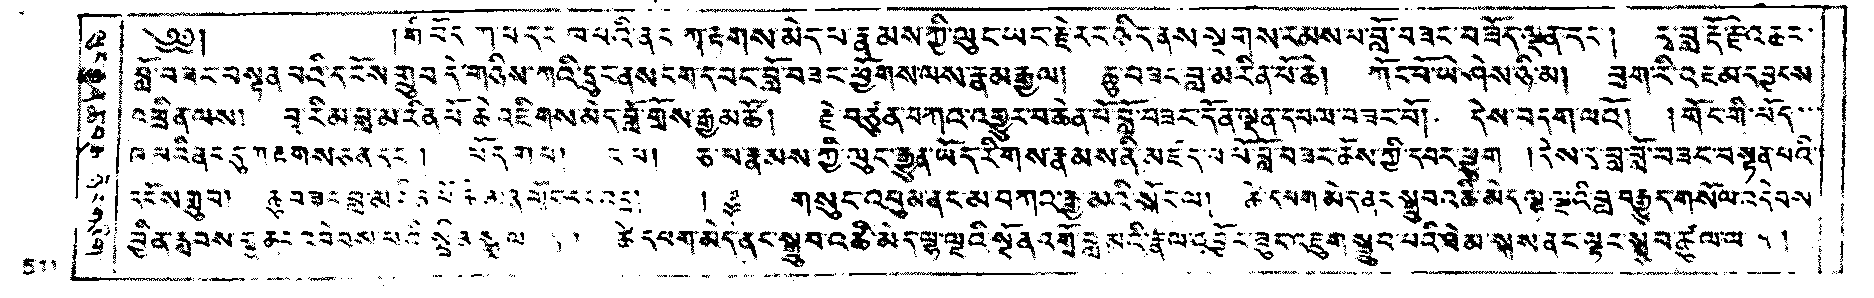༄༅། །གི་པོད་ཀ་པ་དང་ཁ་པའི་ནང་ཀ་རྟགས་མེད་པ་རྣམས་ཀྱི་ལུང་ཡང་རྗེ་རང་ཉིད་ནས་སྔགས་རམས་པ་བློ་བཟང་བཟོད་ལྡན་དང་། རྭ་བླ་རྡོ་རྗེ་འཆང་
བློ་བཟང་བསྟན་པའི་དངོས་གྲུབ་དེ་གཉིས་ཀའི་དྲུང་ནས་ངག་དབང་བློ་བཟང་ཕྱོགས་ལས་རྣམ་རྒྱལ། ཆུ་བཟང་བླ་མ་རིན་པོ་ཆེ། ཀོང་པོ་ཡེ་ཤེས་ཉི་མ། བྲག་རི་འཇམ་དབྱངས་
འཕྲིན་ལས། བཱ་རིམ་བླ་མ་རིན་པོ་ཆེ་འཇིགས་མེད་བློ་གྲོས་རྒྱ་མཚོ། རྗེ་བཙུན་བཀའ་འགྱུར་བ་ཆེན་པོ་བློ་བཟང་དོན་ལྡན་དཔལ་བཟང་པོ། དེས་བདག་ལའོ། །གོང་གི་པོད་
ཁ་པའི་ནང་དུ་ཀ་རྟགས་ཅན་དང་། པོད་ག་པ། ང་པ། ཅ་པ་རྣམས་ཀྱི་ལུང་རྒྱུན་ཡོད་རིགས་རྣམས་ནི་མཛད་པ་པོ་བློ་བཟང་ཆོས་ཀྱི་དབང་ཕྱུག །དེས་རྭ་བླ་བློ་བཟང་བསྟན་པའི་
དངོས་གྲུབ། ཆུ་བཟང་བླ་མ་རིན་པོ་ཆེ་མན་གོང་དང་འདྲ། ། ༈ གསུང་འབུམ་ནང་མ་བཀའ་རྒྱ་མའི་སྐོར་ལ། ཚེ་དཔག་མེད་ནང་སྒྲུབ་འཆི་མེད་ལྷ་ལྔའི་བླ་བརྒྱུད་གསོལ་འདེབས་
བྱིན་རླབས་གྲུ་ཆར་འབེབས་པའི་སྤྲིན་སྒྲ་ལ ༣། ཚེ་དཔག་མེད་ནང་སྒྲུབ་འཆི་མེད་ལྷ་ལྔའི་སྔོན་འགྲོ་བླ་མའི་རྣལ་འབྱོར་ཟུང་འཇུག་སྒྲུབ་པའི་ཐེམ་སྐས་ནང་ལྟར་སྒྲུབ་ཚུལ་ལ ༥།